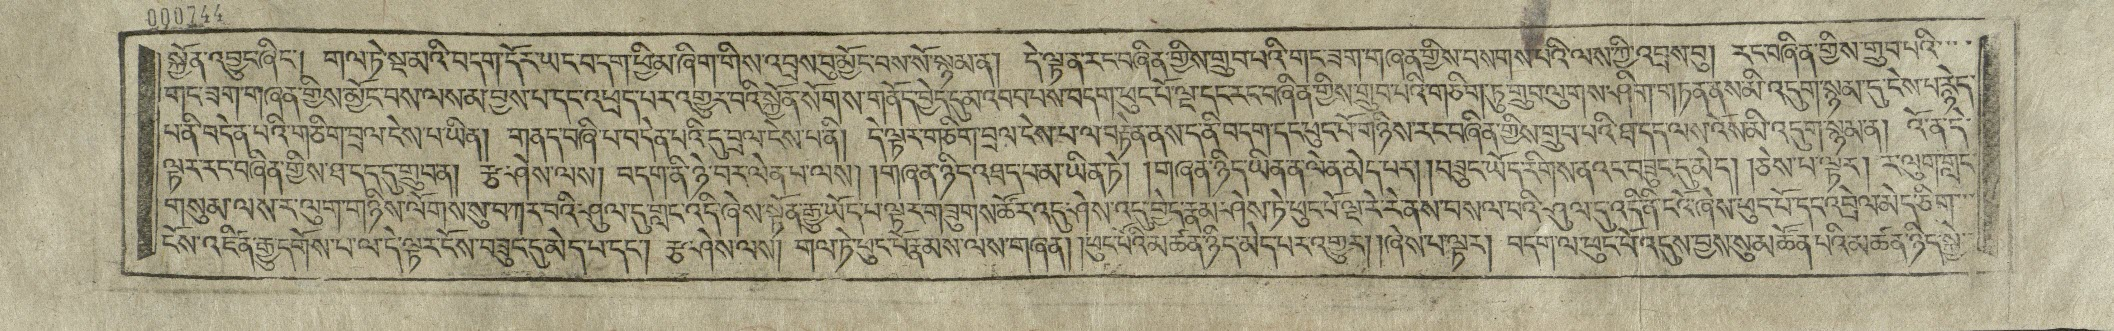སྐྱོན་འབྱུང་ཞིང་། གལ་ཏེ་སྔ་མའི་བདག་དོར་ཡང་བདག་ཕྱི་མ་ཞིག་གིས་འབྲས་བུ་མྱོང་བས་སོ་སྙམ་ན། དེ་ལྟ་ན་རང་བཞིན་གྱིས་གྲུབ་པའི་གང་ཟག་གཞན་གྱིས་བསགས་པའི་ལས་ཀྱི་འབྲས་བུ། རང་བཞིན་གྱིས་གྲུབ་པའི་
གང་ཟག་གཞན་གྱིས་མྱོང་བས་ལས་མ་བྱས་པ་དང་འཕྲད་པར་འགྱུར་བའི་སྐྱོན་སོགས་གནོད་བྱེད་དུ་མ་འབབ་པས་བདག་ཕུང་པོ་ལྔ་དང་རང་བཞིན་གྱིས་གྲུབ་པའི་གཅིག་ཏུ་གྲུབ་ལུགས་ཤིག་གཏན་ནས་མི་འདུག་སྙམ་དུ་ངེས་པ་རྙེད་
པ་ནི་བདེན་པའི་གཅིག་བྲལ་ངེས་པ་ཡིན། གནད་བཞི་པ་བདེན་པའི་དུ་བྲལ་ངེས་པ་ནི། དེ་ལྟར་གཅིག་བྲལ་ངེས་པ་ལ་བརྟེན་ནས་ད་ནི་བདག་དང་ཕུང་པོ་གཉིས་རང་བཞིན་གྱིས་གྲུབ་པའི་ཐ་དད་ལས་འོས་མི་འདུག་སྙམ་ན། འོ་ན་དེ་
ལྟར་རང་བཞིན་གྱིས་ཐ་དད་དུ་གྲུབ་ན། རྩ་ཤེས་ལས། བདག་ནི་ཉེ་བར་ལེན་པ་ལས། །གཞན་ཉིད་འཐད་པ་མ་ཡིན་ཏེ། །གཞན་ཉིད་ཡིན་ན་ལེན་མེད་པར། །བཟུང་ཡོད་རིགས་ནའང་བཟུང་དུ་མེད། །ཅེས་པ་ལྟར། ར་ལུག་གླང་
གསུམ་ལས་ར་ལུག་གཉིས་ལོགས་སུ་བཀར་བའི་ཤུལ་དུ་གླང་འདི་ཞེས་སྟོན་རྒྱུ་ཡོད་པ་ལྟར་གཟུགས་ཚོར་འདུ་ཤེས་འདུ་བྱེད་རྣམ་ཤེས་ཏེ་ཕུང་པོ་ལྔ་རེ་རེ་ནས་བསལ་བའི་ཤུལ་དུ་འདི་ནི་ངའོ་ཞེས་ཕུང་པོ་དང་འབྲེལ་མེད་ཅིག་
ངོས་འཛིན་རྒྱུ་དགོས་པ་ལ་དེ་ལྟར་ངོས་བཟུང་དུ་མེད་པ་དང་། རྩ་ཤེས་ལས། གལ་ཏེ་ཕུང་པོ་རྣམས་ལས་གཞན། །ཕུང་པོའི་མཚན་ཉིད་མེད་པར་འགྱུར། །ཞེས་པ་ལྟར། བདག་ལ་ཕུང་པོ་འདུས་བྱས་སུ་མཚོན་པའི་མཚན་ཉིད་སྐྱེ་